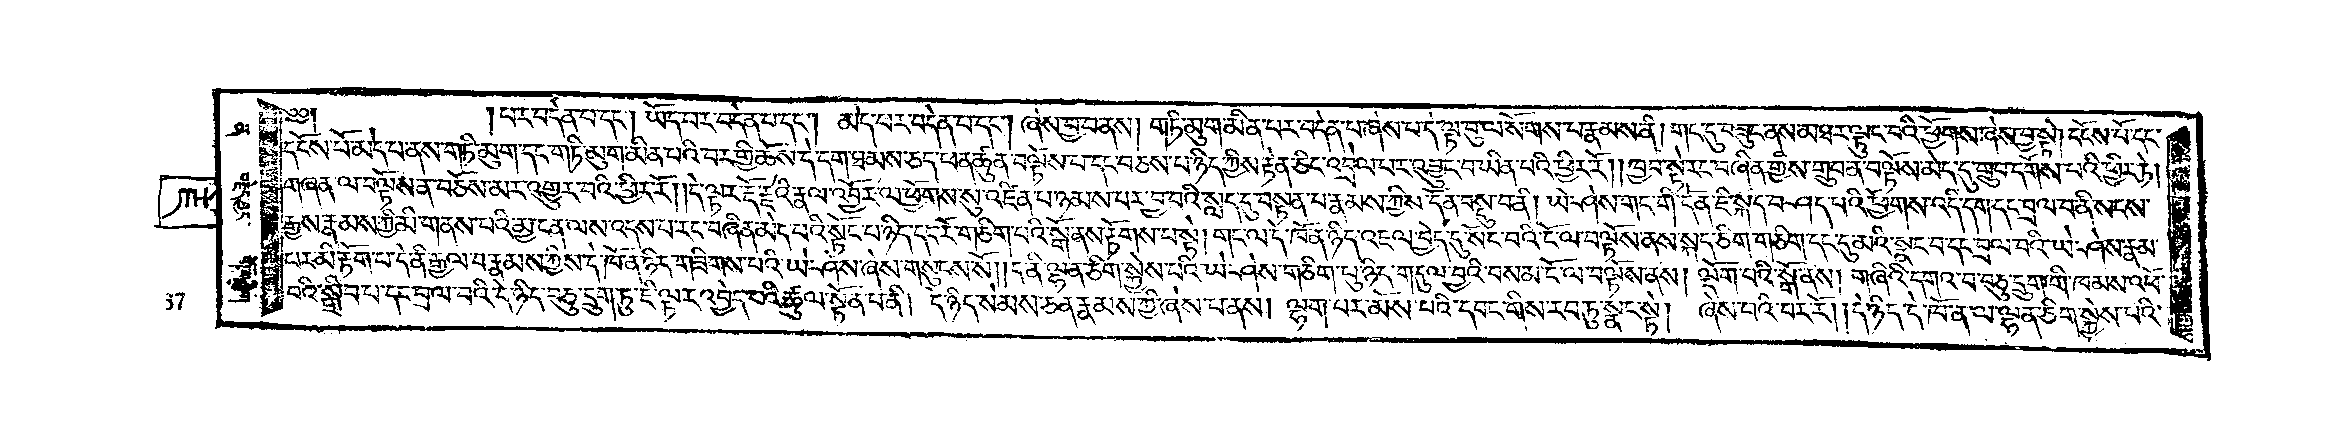༄༅། །པར་བདེན་པ་དང་། ཡོད་པར་བདེན་པ་དང་། མེད་པར་བདེན་པ་དང་། ཞེས་བྱ་བ་ནས། གཏི་མུག་མིན་པར་བདེན་པ་ཞེས་པ་དེ་ལྟ་བུ་ལ་སོགས་པ་རྣམས་ནི། གང་དུ་བཟུང་ནས་མཐར་ལྟུང་བའི་ཕྱོགས་ཞེས་བྱ་སྟེ། དངོས་པོ་དང་
དངོས་པོ་མེད་པ་ནས་གཏི་མུག་དང་གཏི་མུག་མིན་པའི་བར་གྱི་ཆོས་དེ་དག་ཐམས་ཅད་ཕན་ཚུན་བལྟོས་པ་དང་བཅས་པ་ཉིད་ཀྱིས་རྟེན་ཅིང་འབྲེལ་བར་འབྱུང་བ་ཡིན་པའི་ཕྱིར་རོ། །ཁྱབ་སྟེ་རང་བཞིན་གྱིས་གྲུབ་ན་བལྟོས་མེད་དུ་གྲུབ་དགོས་པའི་ཕྱིར་ཏེ།
གཞན་ལ་བལྟོས་ན་བཅོས་མར་འགྱུར་བའི་ཕྱིར་རོ། །དེ་ལྟར་རྡོ་རྗེའི་རྣལ་འབྱོར་ལ་ཕྱོགས་སུ་འཛིན་པ་ཉམས་པར་བྱ་བའི་སླད་དུ་བསྟན་པ་རྣམས་ཀྱིས་དོན་བསྡུ་བ་ནི། ཡེ་ཤེས་གང་གི་དོན་ཇི་སྐད་བཤད་པའི་ཕྱོགས་འདི་དག་དང་བྲལ་བ་ནི་སངས་
རྒྱས་རྣམས་ཀྱི་མི་གནས་པའི་མྱ་ངན་ལས་འདས་པ་རང་བཞིན་མེད་པའི་སྟོང་པ་ཉིད་དང་རོ་གཅིག་པའི་སྒོ་ནས་རྟོགས་པ་སྟེ། གང་ལ་དེ་ཁོ་ན་ཉིད་འཇལ་བྱེད་དུ་སོང་བའི་ངོ་ལ་བལྟོས་ནས་སྐད་ཅིག་གཅིག་དང་དུ་མའི་སྣང་བ་དང་བྲལ་བའི་ཡེ་ཤེས་རྣམ་
པར་མི་རྟོག་པ་དེ་ནི་རྒྱལ་བ་རྣམས་ཀྱིས་དེ་ཁོ་ན་ཉིད་གཟིགས་པའི་ཡེ་ཤེས་ཞེས་གསུངས་སོ། །ད་ནི་ལྷན་ཅིག་སྐྱེས་པའི་ཡེ་ཤེས་གཅིག་པུ་ཉིད་གདུལ་བྱའི་བསམ་ངོ་ལ་བལྟོས་ནས། ལྡོག་པའི་སྒོ་ནས། གཞིའི་དགའ་བ་བཅུ་དྲུག་གི་ཁམས་འཕོ་
བའི་སྒྲིབ་པ་དང་བྲལ་བའི་དེ་ཉིད་བཅུ་དྲུག་ཏུ་ཇི་ལྟར་འབྱེད་པའི་ཚུལ་སྟོན་པ་ནི། དེ་ཉིད་སེམས་ཅན་རྣམས་ཀྱི་ཞེས་པ་ནས། ལྷག་པར་མོས་དབང་གིས་རབ་ཏུ་སྣང་སྟེ། ཞེས་པའི་བར་རོ། །དེ་ཉིད་དེ་ཁོ་ན་ལ་ལྷན་ཅིག་སྐྱེས་པའི་